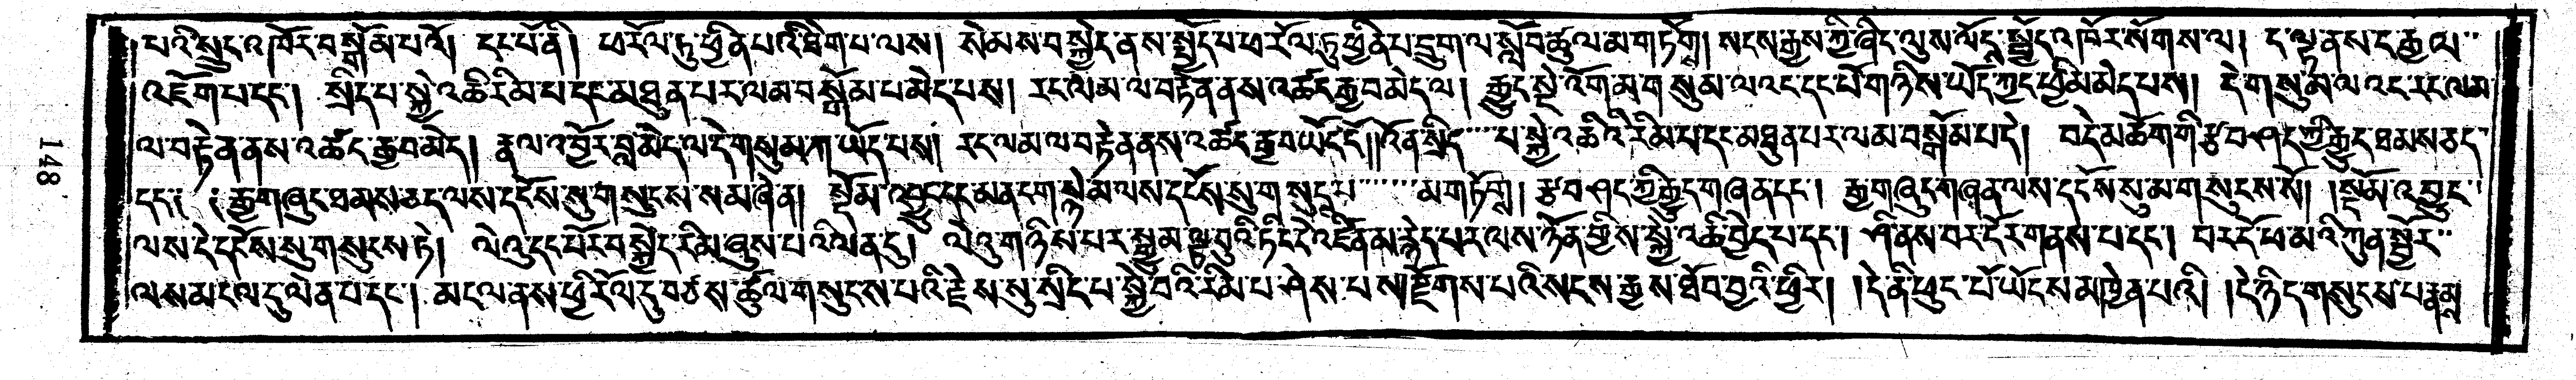པའི་སྲུང་འཁོར་བསྒོམ་པའོ། དང་པོ་ནི། ཕ་རོལ་ཏུ་ཕྱིན་པའི་ཐེག་པ་ལས། སེམས་བསྐྱེད་ནས་སྤྱོད་པ་ཕ་རོལ་ཏུ་ཕྱིན་པ་དྲུག་ལ་སློབ་ཚུལ་མ་གཏོགས། སངས་རྒྱས་ཀྱི་ཞིང་ལུས་ལོངས་སྦྱོང་འཁོར་སོགས་ལ། ད་ལྟ་ནས་ང་རྒྱལ་
འཇོག་པ་དང་། སྲིད་པ་སྐྱེ་འཆི་རིམ་པ་དང་མཐུན་པར་ལམ་བསྒོམ་པ་མེད་པས། རང་ལམ་ལ་བརྟེན་ནས་འཚང་རྒྱབ་མེད་ལ། རྒྱུད་སྡེ་འོག་མ་གསུམ་ལའང་དང་པོ་གཉིས་ཡོད་ཀྱང་ཕྱི་མ་མེད་པས། དེ་གསུམ་ལའང་རང་ལམ་
ལ་བརྟེན་ནས་འཚང་རྒྱ་བ་མེད། རྣལ་འབྱོར་བླ་མེད་ལ་དེ་གསུམ་ཀ་ཡོད་པས། རང་ལམ་ལ་བརྟེན་ནས་འཚང་རྒྱབ་ཡོད་ངོ། །འོན་སྲིད་པ་སྐྱེ་འཆིའི་རིམ་པ་དང་མཐུན་པར་ལམ་བསྒོམ་པ་དེ། བདེ་མཆོག་གི་རྩ་བཤད་ཀྱི་རྒྱུད་ཐམས་ཅད་
དང༑ ༑རྒྱ་གཞུང་ཐམས་ཅད་ལས་དངོས་སུ་གསུངས་སམ་ཞེ་ན། སྡོམ་འབྱུང་དང་མན་ངག་སྙེ་མ་ལས་དངོས་སུ་གསུང་པ་མ་གཏོགས། རྩ་བཤད་ཀྱི་རྒྱུད་གཞན་དང་། རྒྱ་གཞུང་གཞན་ལས་དངོས་སུ་མ་གསུངས་སོ། །སྡོམ་འབྱུང་
ལས་དེ་དངོས་སུ་གསུངས་ཏེ། ལེའུ་དང་པོར་བསྐྱེད་རིམ་ཞུས་པའི་ལན་དུ། ལེའུ་གཉིས་པར་སྒྱུམ་ལྟ་བུའི་ཏིང་ངེ་འཛིན་མ་རྙེད་པར་ལས་ཉོན་གྱིས་སྐྱེ་འཆི་བྱེད་པ་དང་། ཤི་ནས་བར་དོར་གནས་པ་དང་། བར་ངོ་ཕ་མའི་ཀུན་སྦྱོར་
ལས་མངལ་དུ་ལེན་པ་དང་། མངལ་ནས་ཕྱི་རོལ་དུ་བཙས་ཚུལ་གསུངས་པའི་རྗེས་སུ་སྲིད་པ་སྐྱེ་བའི་རིམ་པ་ཤེས་པས། རྫོགས་པའི་སངས་རྒྱས་ཐོབ་བྱའི་ཕྱིར། །དེ་ནི་ཕུང་པོ་ཡོངས་མཁྱེན་པའི། །དེ་ཉིད་གསུངས་པ་རྣམས་